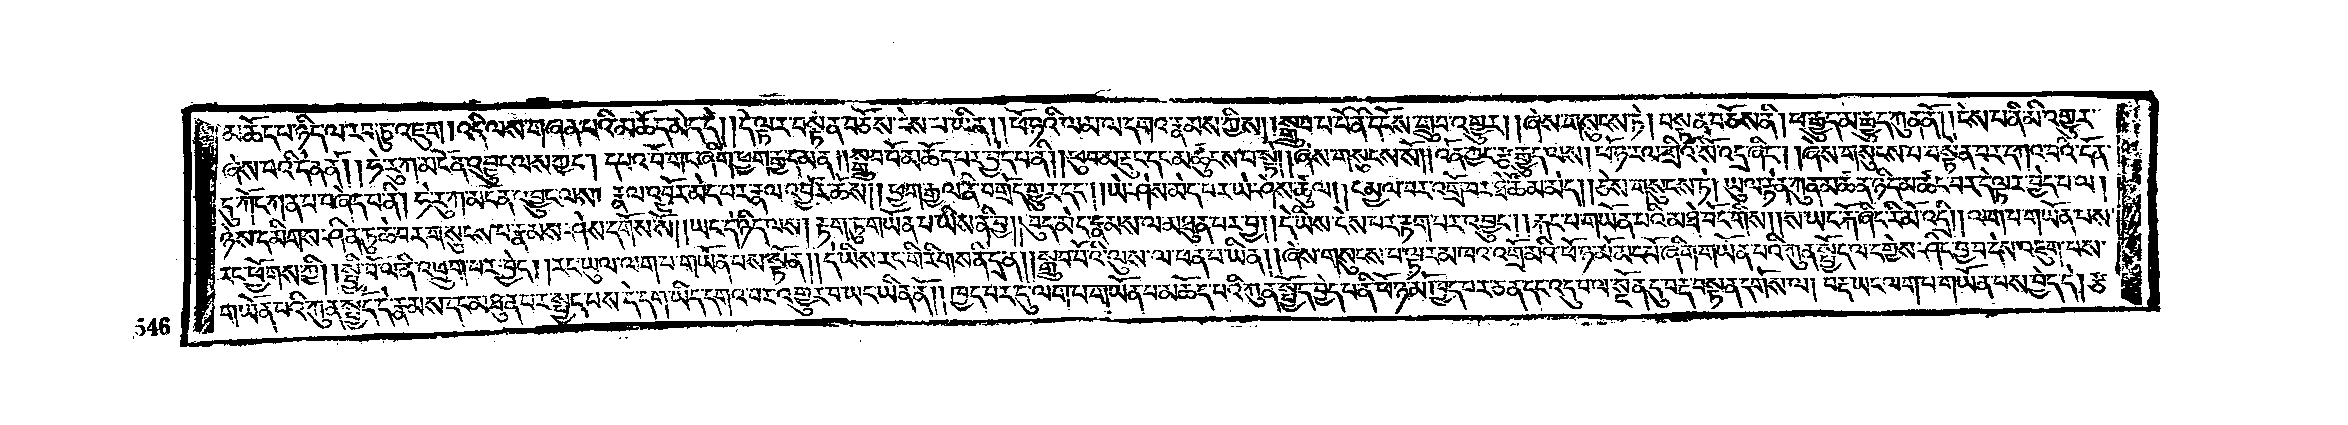མཆོད་པ་ཉིད་ལ་རབ་ཏུ་འཇུག །འདི་ལས་གཞན་པའི་མཆན་མེད་དེ། །དེ་ལྟར་བསྟན་བཅོས་ངེས་པ་ཡིན། །ཕོ་ཉའི་ལམ་ལ་དགའ་རྣམས་ཀྱིས། །སྒྲུབ་པ་པོ་ནི་དངོས་གྲུབ་འགྱུར། །ཞེས་གསུངས་ཏེ། བསྟན་བཅོས་ནི། ཕ་རྒྱུད་མ་རྒྱུད་ཀུན་ནོ། །ངེས་པ་ནི་མི་འགྱུར་
ཞེས་པའི་དོན་ནོ། །ཧེ་རུ་ཀ་མངོན་འབྱུང་ལས་ཀྱང་། དཔའ་བོ་གང་ཞིག་ཕྱག་རྒྱ་དམན། །སྒྲུབ་པོ་མཆོད་པར་བྱེད་པ་ནི། །ཕུབ་མ་རྡུང་དང་མཚུངས་པ་སྟེ། །ཞེས་གསུངས་སོ། །འོན་ཀྱང་རྩ་རྒྱུད་ལས། ཕོ་ཉ་རལ་གྲིའི་སོ་འདྲ་ཞིང་། །ཞེས་གསུངས་པ་བསྟེན་པར་དཀའ་བའི་དོན་
དུ་ཀོང་ཀ་ན་པ་བཞེད་པ་ནི། ཧེ་རུ་ཀ་མངོན་འབྱུང་ལས། རྣལ་འབྱོར་མེད་པར་རྣལ་འབྱོར་ཆོས། །ཕྱག་རྒྱ་ལ་ནི་བགྲོད་གྱུར་དང་། །ཡེ་ཤེས་མེད་པར་ཡེ་ཤེས་ཚུལ། །དམྱལ་བར་འགྲོ་བར་ཐེ་ཚོམ་མེད། །ཅེས་གསུངས་ཏེ། ཡུལ་རྟེན་ཀུན་མཚན་ཉིད་མ་ཚང་བར་དེ་ལྟར་བྱེད་པ་ལ།
ཉེས་དམིགས་ཤིན་ཏུ་ཆེ་བར་གསུངས་པ་རྣམས་ཤེས་དགོས་སོ། །ཡང་དེ་ཉིད་ལས། རྟག་ཏུ་གཡོན་པ་ཡིས་ནི་བྱ། །བུད་མེད་རྣམས་ལ་མཐུན་པར་བྱ། །དེ་ཡིས་ངེས་པར་རྟག་པར་འབྱུང་། །རྐང་པ་གཡོན་པའི་མཐེ་བོང་གིས། །ས་ཡང་རྐོ་ཞིང་རི་མོ་འདྲི། །ལག་པ་གཡོན་པས་
རང་ཕྱོགས་ཀྱི། །སྤྱི་བོ་ལ་ནི་འཕྲུག་པར་བྱེད། །རང་ཡུལ་ལག་པ་གཡོན་པས་སྟོན། །དེ་ཡིས་རང་གི་རིགས་ནི་དྲན། །སྒྲུབ་པོའི་ལུས་ལ་ཕན་པ་ཡིན། །ཞེས་གསུངས་པ་ལྟར་མཁའ་འགྲོ་མའི་ཕོ་ཉ་མོ་མང་པོ་ཞིག་གཡོན་པའི་ཀུན་སྤྱོད་ལ་དགྱེས་ཤིང་བྱ་བ་དེས་འཇུག་པས་
གཡོན་པའི་ཀུན་སྤྱོད་དེ་རྣམས་དང་མཐུན་པར་སྤྱད་པས་དེ་དག་ཡིད་དགའ་བར་འགྱུར་བ་ཡང་ཡིན་ནོ། །ཁྱད་པར་དུ་ལག་པ་གཡོན་པ་མཆོད་པའི་ཀུན་སྤྱོད་བྱེད་པ་ནི་ཕོ་ཉ་མོ་ཁྱད་པར་ཅན་དང་འདུ་བ་ལ་སྔོན་དུ་བརྡ་བསྟན་དགོས་ལ། བརྡ་ཡང་ལག་པ་གཡོན་པས་བྱེད་དེ། རྩ་